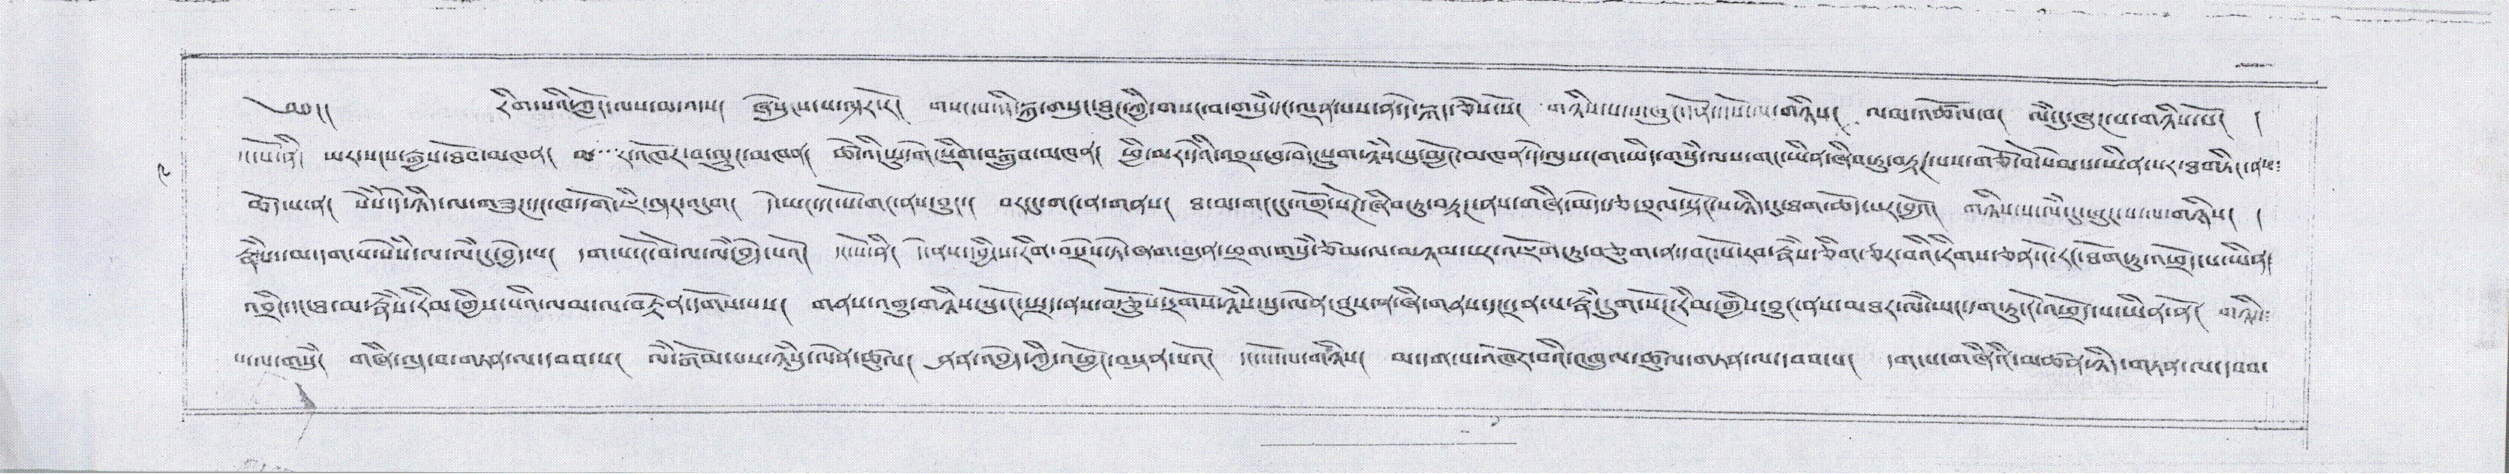རིག་པའི་ཀློང་ལས་མ་འདས། ཞེས་གསུངས་པ་ལྟར་རོ། །གསང་བ་ནི་སྐུ་གསུང་ཐུགས་ཀྱི་གསང་བ་གསུམ་དང་ལྡན་པས་ན་དེ་སྐད་ཅེས་སོ།། གཉིས་པ་གཞུང་དོན་དངོས་ལ་གཉིས། ལམ་འཚོལ་བ། ལམ་དུ་ཞུགས་པ་གཉིས་སོ། 
དང་པོ་ནི། ཡར་སངས་རྒྱས་ཐོབ་མཁན། མར་འཁོར་བ་ལྟུང་མཁན། ཕྱི་མར་དེའི་འབྲས་བུ་བདེ་སྡུག་ཉམས་སུ་མྱོང་མཁན་དེ་ལུས་ངག་ཡིད་གསུམ་ལས་གང་ཡིན་ཞིབ་ཏུ་བརྟགས་པས་གཙོ་བོ་སེམས་ཡིན་པར་ཐག་གཏིང་ནས་
ཆོད་པ་ན། སེམས་དེ་ཉིད་ལ་གཟུགས་དང་ཁ་དོག་ཇི་ལྟར་འདུག དེ་ཡང་དང་པོ་གང་ནས་བྱུང་། བར་དུ་གང་ན་གནས། ཐ་མ་གང་དུ་འགྲོ་སོགས་ཞིབ་ཏུ་བརྟགས་ནས་གཞི་མེད་རྩ་བྲལ་སྟོང་པ་ཉིད་དུ་ཐག་ཆོད་པར་བྱའོ། །གཉིས་པ་ལམ་དུ་ཞུགས་པ་ལ་གཉིས། 
རྣམ་པ་མ་དག་པ་སེམས་ལ་ལམ་དུ་བྱེད་པ། དག་པ་ངོ་བོ་ལ་ལམ་བྱེད་པའོ། དང་པོ་ནི། དེ་ནས་དབྱིངས་རིག་བསྲེས་ཏེ་ཞག་བདུན་ཕྲག་གསུམ་ཙམ་ལ་མཉམ་པར་འཇོག་ཏུ་བཅུག་ན་དབང་པོ་རབ་རྣམས་ཅིག་ཅར་བའི་རིགས་ཅན་ངོ་རང་ཐོག་ཏུ་འཕྲོད་པ་ཡིན། 
འབྲིང་དང་ཐ་མ་རྣམས་རིམ་གྱིས་པའི་ལམ་ལ་བརྟེན་དགོས་པས། གནས་འགྱུ་གཉིས་སུ་ངོ་སྤྲད་ནས་བརྩོན་འགྲུས་དྲག་པོས་ཉམས་སུ་ལེན་ནུས་ན་ནི་གནས་དང་དྲན་པ་རྣམ་དྲུག་སོགས་རིམ་བཞིན་བྱུང་ནས་མཐར་ལམ་ཡང་དག་ཏུ་ངོ་འཕྲོད་པ་ཡིན་ནོ།། གཉིས་
པ་ལ་གསུམ། གཞི་ལྟ་བ་གཏན་ལ་དབབ་པ། ལམ་སྒོམ་པ་ཉམས་སུ་ལེན་ཚུལ། ཤན་འབྱེད་ཀྱི་འཕྱོང་བསྟན་པའོ། དང་པོ་ལ་གཉིས། མ་དག་པ་འཁོར་བའི་འཁྲུལ་ཚུལ་གཏན་ལ་དབབ་པ། དག་པ་གཞིའི་མཚན་ཉིད་གཏན་ལ་དབབ་